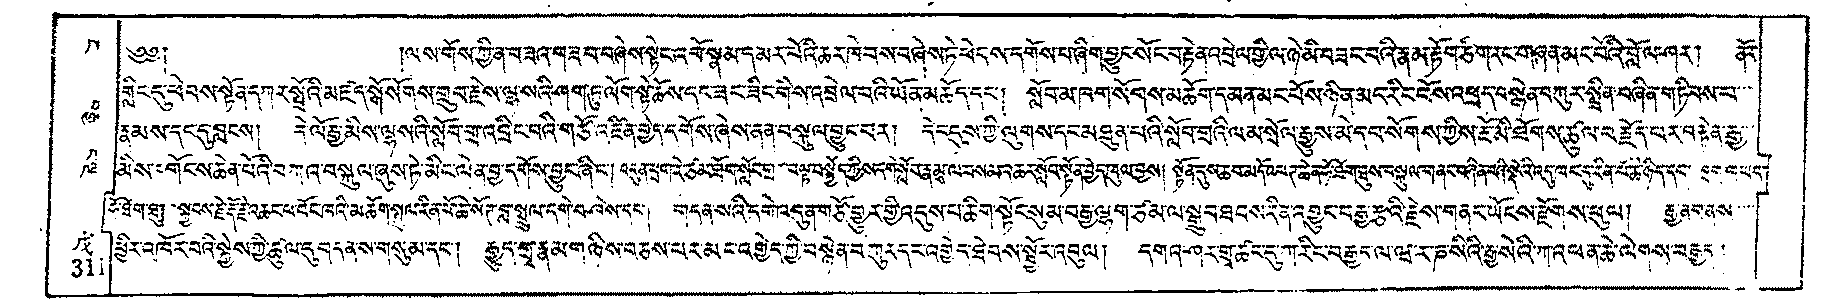༄༅། །ལས་གོས་ཀྱི་ན་བཟའ་གཟབ་བཞེས་སྟེང་འགོ་སྣམ་དམར་པོའི་ཆར་ཁེབས་བཞེས་ཏེ་ཕེབས་དགོས་པ་ཞིག་བྱུང་སོང་བརྟེན་འབྲེལ་གྱི་ལ་ཉེ་མི་བཟང་བའི་རྣམ་རྟོག་ཅིག་རང་གཞན་མང་པོའི་བློ་ལ་ཤར། ནོར་
གླིང་དུ་ཕེབས་སྟོན་དཀར་སྤྲོའི་མཛད་སྒོ་སོགས་གྲུབ་རྗེས་ལྷ་སའི་ཤག་ཏུ་ལོག་སྟེ་ཆོས་དང་ཟང་ཟིང་གིས་འབྲེལ་བའི་ཡོན་མཆོད་དང་། སློབ་མ་ཁག་སོགས་མཆོག་དམན་མང་པོས་ཉིན་མང་རིང་ངོས་འཕྲད་བསྙེན་བཀུར་སྤྲིན་བཞིན་གཏིབས་པ་
རྣམས་དང་དུ་བླངས། དེ་ལོ་རྒྱ་མིས་ལྷ་སའི་སློབ་གྲ་འབྲིང་བའི་གཙོ་འཛིན་བྱེད་དགོས་ཞེས་ནན་བསྐུལ་བྱུང་བར། དེང་དུས་ཀྱི་ལུགས་དང་མཐུན་པའི་སློབ་གྲའི་ལམ་སྲོལ་རྒྱུས་མེད་པ་སོགས་ཀྱིས་རྔོ་མི་ཐོགས་ཚུལ་བརྗོད་པར་བརྟེན་རྒྱ་
མིས་༧གོང་ས་ཆེན་པོའི་བཀའ་བསྐུལ་ཞུས་ཏེ་མིང་ལེན་བྱ་དགོས་བྱུང་ཞིང་། བདུན་ཕྲག་རེ་ཙམ་ཐོག་སློབ་གྲར་བལྟ་བསྐྱོད་ཀྱིས་དགེ་སློབ་རྣམས་ལ་བསམ་འཆར་སློབ་སྟོན་བྱེད་ཁུལ་བྱས། སྟོན་དུས་ཆབ་མདོ་འཕགས་ཆེན་ཧོ་ཐོག་ཐུས་བསྐུལ་གནང་བཞིན་བཞི་སྡེའི་འདུ་ཁང་དུ་རིན་པོ་ཆེ་ཉིད་དང་། བྲག་གཡབ་
ཧོ་ཐོག་ཐུ། ༧སྐྱབས་རྗེ་རྡོ་རྗེ་འཆང་ཕ་བོང་ཁའི་མཆོག་སྤྲུལ་རིན་པོ་ཆེ་སོགས་བླ་སྤྲུལ་དགེ་བཤེས་དང་། གདན་སའི་དགེ་འདུན་གཙོ་གྱུར་གྱི་འདུས་པ་ཆིག་སྟོང་སུམ་བརྒྱ་ལྷག་ཙམ་ལ་སྒྲུབ་ཐབས་རིན་འབྱུང་བརྒྱ་རྩའི་རྗེས་གནང་ཡོངས་རྫོགས་ཕུལ། རྒྱ་ནག་ནས་
ཕྱིར་འཁོར་བའི་སྐྱེས་ཀྱི་ཚུལ་དུ་གདན་ས་གསུམ་དང་། རྒྱུད་གྲྭ་རྣམ་གཉིས་བཅས་པར་མང་འགྱེད་ཀྱི་བསྙེན་བཀུར་དང་འགྱེད་ཐེབས་སྦྱོར་འབུལ། དགའ་ཤར་གྲྭ་ཚང་དུ་ཀ་རིང་བརྒྱད་ལ་ཝ་ར་ཎ་སིའི་རྒྱ་སེའི་ཀ་འཕན་ཆེ་ལེགས་བརྒྱད།